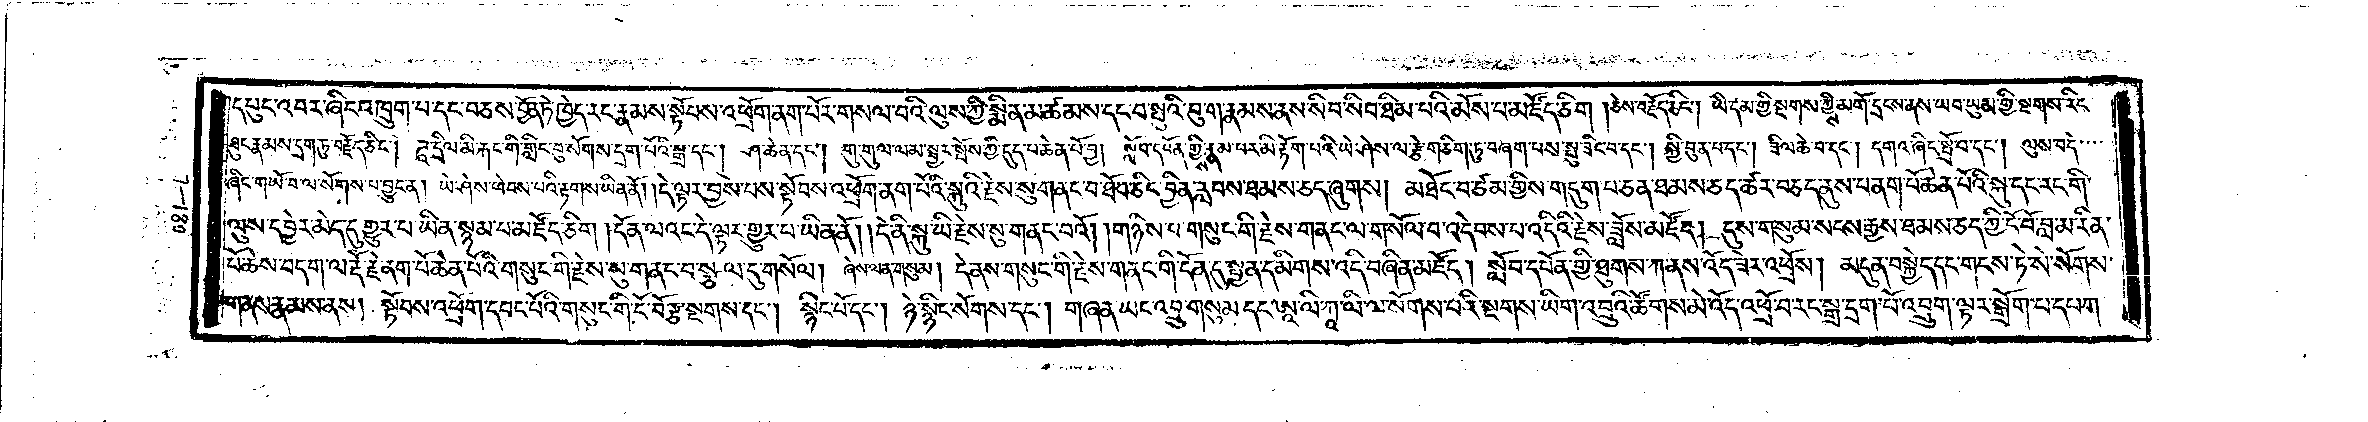དཔུང་འབར་ཞིང་འཁྲུག་པ་དང་བཅས་བྱོན་ཏེ་ཁྱེད་རང་རྣམས་སྟོབས་འཕྲོག་ནག་པོར་གསལ་བའི་ལུས་ཀྱི་སྨིན་མཚམས་དང་བ་སྤུའི་བུ་ག་རྣམས་ནས་སིབ་སིབ་ཐིམ་པའི་མོས་པ་མཛོད་ཅིག །ཅེས་བརྗོད་ཅིང་། ཡི་དམ་གྱི་སྔགས་ཀྱིས་མགོ་དྲངས་ནས་ཡབ་ཡུམ་གྱི་སྔགས་?
ཐུང་རྣམས་དྲག་ཏུ་བརྗོད་ཅིང་། ཌཱ་དྲིལ་མི་རྐང་གི་གླིང་བུ་སོགས་དྲག་པོའི་སྒྲ་དང་། ཤ་ཆེན་དང་། གུ་གུལ་ལམ་སྦྱར་སྤོས་ཀྱི་དུད་བ་ཆེན་པོ་བྱ། སློབ་དཔོན་གྱིས་རྣམ་པར་མི་རྟོག་པའི་ཡེ་ཤེས་ལ་རྩེ་གཅིག་ཏུ་བཞག་པས་སྤུ་ཟིང་བ་དང་། སྐྱི་བུན་པ་དང་། ཟིལ་ཆེ་བ་དང་། དགའ་ཞིང་སྤྲོ་བ་དང་། ལུས་བོད་
ཞིང་གཡོ་བ་ལ་སོགས་པ་བྱུང་ན། ཡེ་ཤེས་ཕེབས་པའི་རྟགས་ཡིན་ནོ། །དེ་ལྟར་བྱས་པས་སྟོབས་འཕྲོག་ནག་པོའི་སྐུའི་རྗེས་སུ་གནང་བ་ཐོབ་ཅིང་བྱིན་རླབས་ཐམས་ཅད་ཞུགས། མཐོང་བ་ཙམ་གྱིས་གདུག་བ་ཅན་ཐམས་ཅད་ཚར་བཅད་ནུས་པ་ནག་པོ་ཆེན་པོའི་སྐུ་དང་རང་གི་
ལུས་དབྱེར་མེད་དུ་གྱུར་པ་ཡིན་སྙམ་པ་མཛོད་ཅིག །དོན་ལའང་དེ་ལྟར་གྱུར་པ་ཡིན་ནོ། །དེ་ནི་སྐུ་ཡི་རྗེས་སུ་གནང་བའོ། །གཉིས་པ་གསུང་གི་རྗེས་གནང་ལ་གསོལ་བ་འདེབས་པ་འདིའི་རྗེས་ཟློས་མཛོད། དུས་གསུམ་སངས་རྒྱས་ཐམས་ཅད་ཀྱི་ངོ་བོ་བླ་མ་རིན་
བོ་ཆེས་བདག་ལ་རྡོ་རྗེ་ནག་པོ་ཆེན་པོའི་གསུང་གི་རྗེས་སུ་གནང་བ་སྩལ་དུ་གསོལ། ཞེས་ལན་གསུམ།  དེ་ནས་གསུང་གི་རྗེས་གནང་གི་དོན་དུ་སྤྱན་དམིགས་འདི་བཞིན་མཛོད། སློབ་དཔོན་གྱི་ཐུགས་ཀ་ནས་འོད་ཟེར་འཕྲོས། མདུན་བསྐྱེད་དང་གངས་ཏེ་སེ་སོགས་
གནས་རྣམས་ནས། སྟོབས་འཕྲོག་དབང་པོའི་གསུང་གི་ངོ་བོ་རྩ་སྔགས་དང་། སྙིང་པོ་དང་། ཉེ་སྙིང་སོགས་དང་། གཞན་ཡང་འབྲུ་གསུམ་དང་ཨཱ་ལི་ཀཱ་ལི་ལ་སོགས་པའི་སྔགས་ཡིག་འབྲུའི་ཚོགས་མེ་འོད་འཕྲོ་བ་རང་སྒྲ་དྲག་པོ་འབྲུག་ལྟར་སྒྲོག་པ་དཔལ་